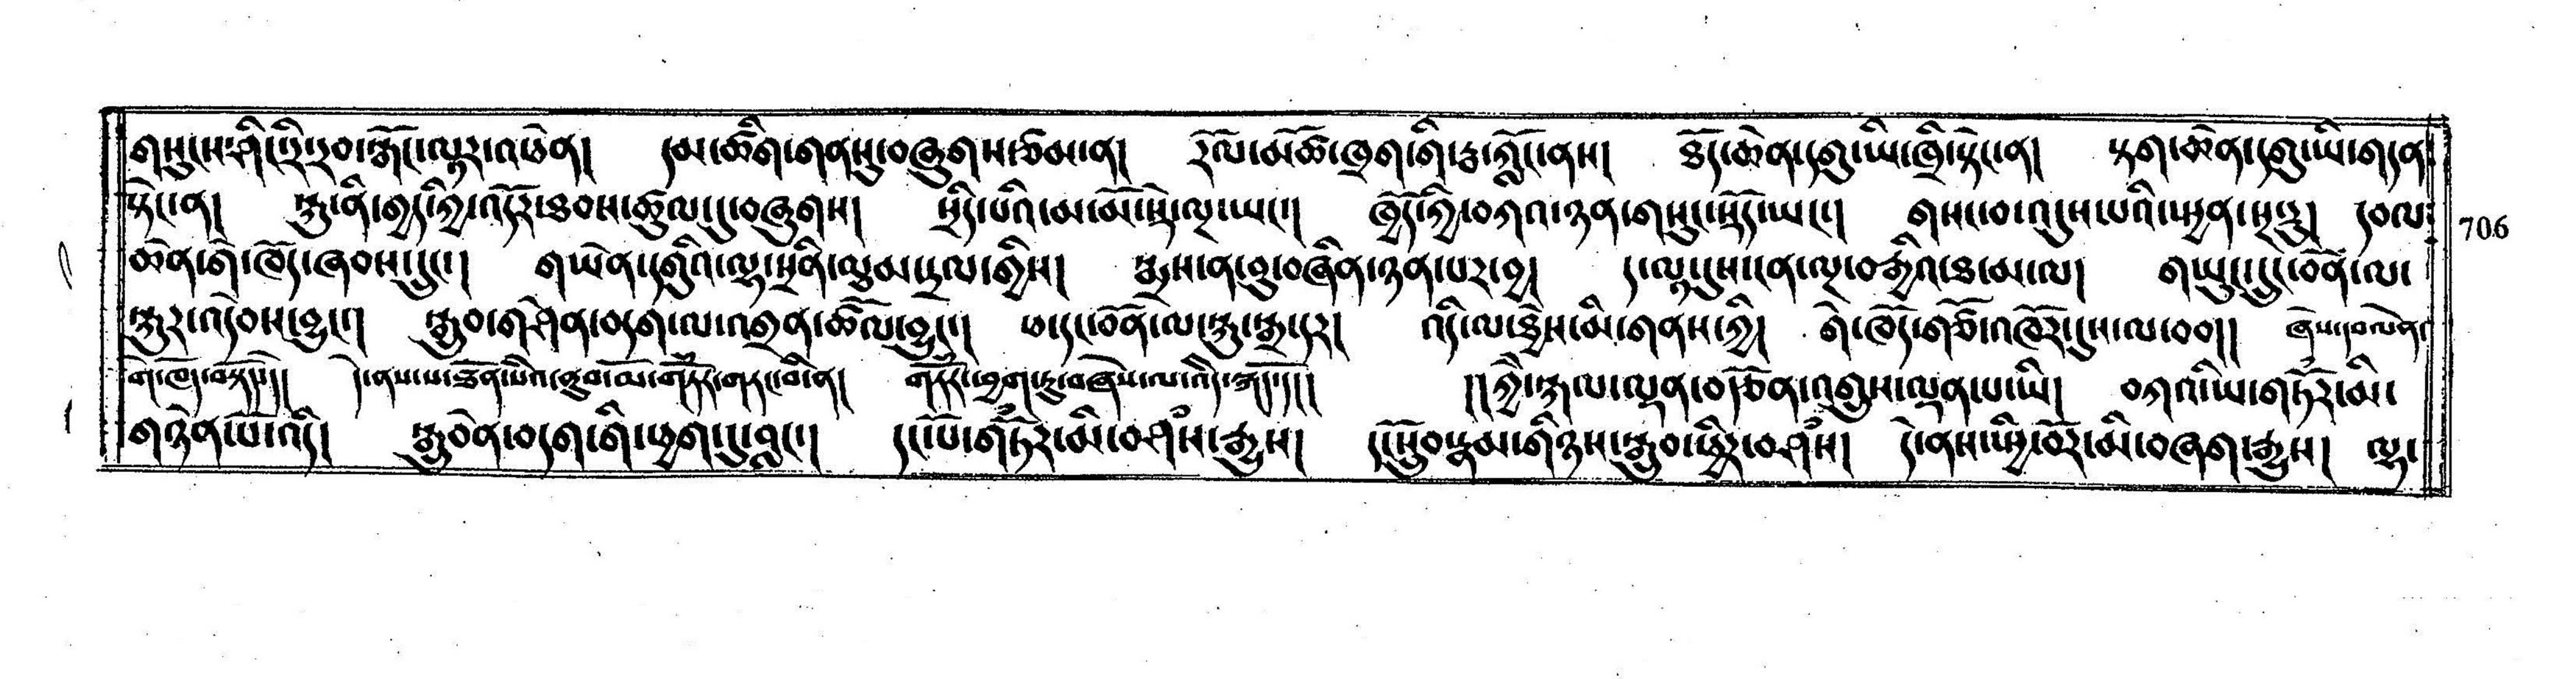གསུངས་ཤིང་རི་རབ་སྒོང་ལྟར་འཕེན། དམ་ཚིག་གནས་སུ་བཞུགས་ཙམ་ན། རོལ་མཚོ་ཁྲག་གི་རྦ་ཀློང་ནས། ཐོད་ཆེན་དགུ་ཡི་ཁྲི་སྟེང་ན། སྟག་ཆེན་དགུ་ཡི་གདན་
སྟེང་ན། སྐུ་ནི་གྱད་ཀྱི་འདོར་ཐབས་ཚུལ་དུ་བཞུགས། སྲིད་པའི་མ་མོ་སྡེ་ལྔ་ཡང་། ཁྱོད་ཀྱི་བཀའ་ཉན་གསུང་སྡོད་ཡང་། གསང་བ་འདུས་པའི་སྤྱན་སྔ་རུ། དབལ་
ཆེན་གེ་ཁོད་ཞབས་དྲུང་། གཡེན་དགུའི་ལྷ་སྲིན་ལྕམ་དྲལ་གྱིས། སྨྲས་ན་བུ་བཞིན་ཉན་པར་བྱ། ད་ལྟ་དུས་ངན་ལྔ་བརྒྱའི་ཐ་མ་ལ། གཡུང་དྲུང་བོན་ལ་
སྐུར་འདེབས་བྱུང་། སྒྲུབ་གཤེན་བདག་ལ་འགྲན་ཚོལ་བྱུང་། ཕ་དང་བོན་ལ་སྐུ་དགྲ་དར། འདི་ལ་ཐུགས་རྗེ་མི་གནས་ཀྱི། གེ་ཁོད་གཙོ་འཁོར་དུས་ལ་བབ།། ཞེས་དབལ་ཆེན་
གེ་ཁོད་བསྟོད་དེ། དེ་ནས་ས་ཐོན་པའི་ནུབ་མོ་གཏོར་མ་གཏང་བ་ནི། གཏོར་མ་ཕྱག་ཏུ་བཞེས་ལ་འདི་སྐད་དོ།། །།ཀྱཻ་སྐལ་ལྡན་བརྩོན་འགྲུས་ལྡན་པ་ཡི། བཀའ་ཡི་གཏོར་མ་
གཉེན་པོ་འདི། སྒྲུབ་ཆེན་བདག་གི་ཕྱག་དུ་བླང་། དང་པོ་གཏོར་མ་མི་བཤམས་རྒྱུས། དངོས་གྲུབ་རྣམ་གཉིས་སྒྲུབ་ཕྱིར་བཤམས། དེ་ནས་སྤྱི་བོར་མི་བཞག་རྒྱུས། ལྷ་